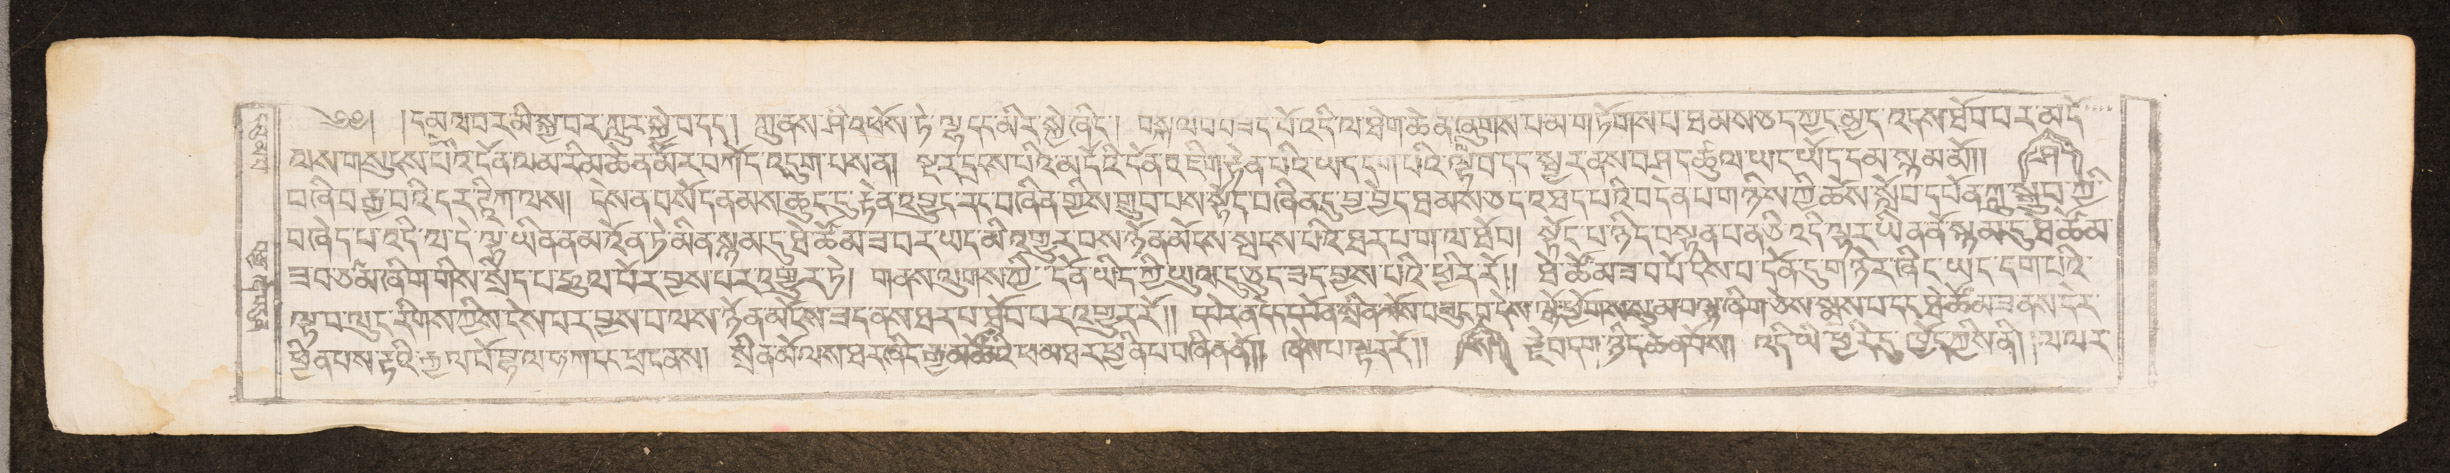༄༅། །དམལ་བར་མི་སྐྱ་བར་ཀླུར་སྐྱེ་བ་དང་། ཀླུ་ནས་ཤི་འཕོས་ཏེ་ལྷ་དང་མིར་སྐྱེ་ཞིང་། བསྐལ་བ་བཟད་པོ་འདི་ལ་ཐེག་ཆེན་ཞུགས་པ་མ་གཏོགས་པ་ཐམས་ཅད་ཀྱང་མྱང་འདས་ཐོབ་པར་མདོ་
ལས་གསུངས་པའི་དོན་ལམ་རིམ་པ་ཆེན་མོར་བཀོད་འདུག་པས་ན། སྔར་དྲངས་པའི་མདོའི་དོན་འཇིག་རྟེན་པའི་ཡང་དག་པའི་ལྟ་བ་ལ་དང་སྦྱར་ནས་བཤད་ཚུལ་ཡང་ཡོད་དམ་སྙམ་མོ།། ༼༽ཤ༼༽
བཞི་བརྒྱ་བའི་དར་ཌཱིཀ་ལས། དེས་ན་བསོད་ནམས་ཆུང་ངུ་རྟེན་འབྱུང་རང་བཞིན་གྱིས་གྲུབ་པས་སྟོད་བཞིན་དུ་བྱ་བྱེད་ཐམས་ཅད་འཐད་པའི་བདེན་པ་གཉིས་ཀྱི་ཚོས་སློབ་དཔོན་ཀླུ་སྒྲུབ་ཀྱི་
བཞེད་པ་དི་ལ་དེ་ལྟ་ཡིན་ན་འོན་ཏེ་མིན་སྙམ་དུ་ཐེ་ཚོམ་ཟ་བར་ཡད་མི་འགྱུར་བས་ཉོན་མོངས་སྤངས་པའི་ཐར་པ་ག་ལ་ཐོབ། སྟོང་པ་ཉིད་བསྟན་པ་ན་ཅི་འདི་ལྟར་ཡིན་ནོ་སྙམ་དུ་ཐེ་ཚོམ་
ཟ་བ་ཙམ་ཞིག་གིས་སྲིད་པ་ཧྲུལ་པོར་བྱས་པར་འགྱུར་ཏེ། གནས་ལུགས་ཀྱི་དོན་ཡིད་ཀྱི་ཡུལ་དུ་ཅུང་ཟད་བྱས་པའི་ཕྱིར་རོ།། ཐེ་ཚོམ་ཟ་བ་པོ་དེས་པ་དོན་དུ་གཉེར་ཞིང་ཡང་དག་པའི་
ལྟ་བ་ལུང་རིགས་ཀྱིས་ངེས་པར་བྱས་པ་ལས་ཉོན་མོངས་ཟད་ནས་ཐར་པ་ཐོབ་པར་འགྱུར་རོ།། དཔེར་ན་དེད་དཔོན་སྲིན་མོས་བ་དེས་ལྷོ་ཕྱོགས་སུ་མ་བལྟ་ཞིག་ཅེས་སྨྲས་པ་དང་ཐེ་ཚོམ་ཟ་ནས་དེར་
ཕྱིན་པས་རྟའི་རྒྱལ་པོ་བྷ་ལ་ཧ་ཀ་དང་ཕྲད་ནས། སྲིན་མོ་ལས་ཐར་ཞིང་རྒྱ་མཚོའི་ཕ་མཐར་ཕྱིན་པ་བཞིན་ནོ།། ཞེས་པ་ལྟར་རོ།། ༼༽ས༼༽ རྗེ་བདག་ཉིད་ཆེན་པོས། འདི་ཡི་ཕྱིར་དུ་ཁྱོད་ཀྱིས་ནི། །ལ་ལར་